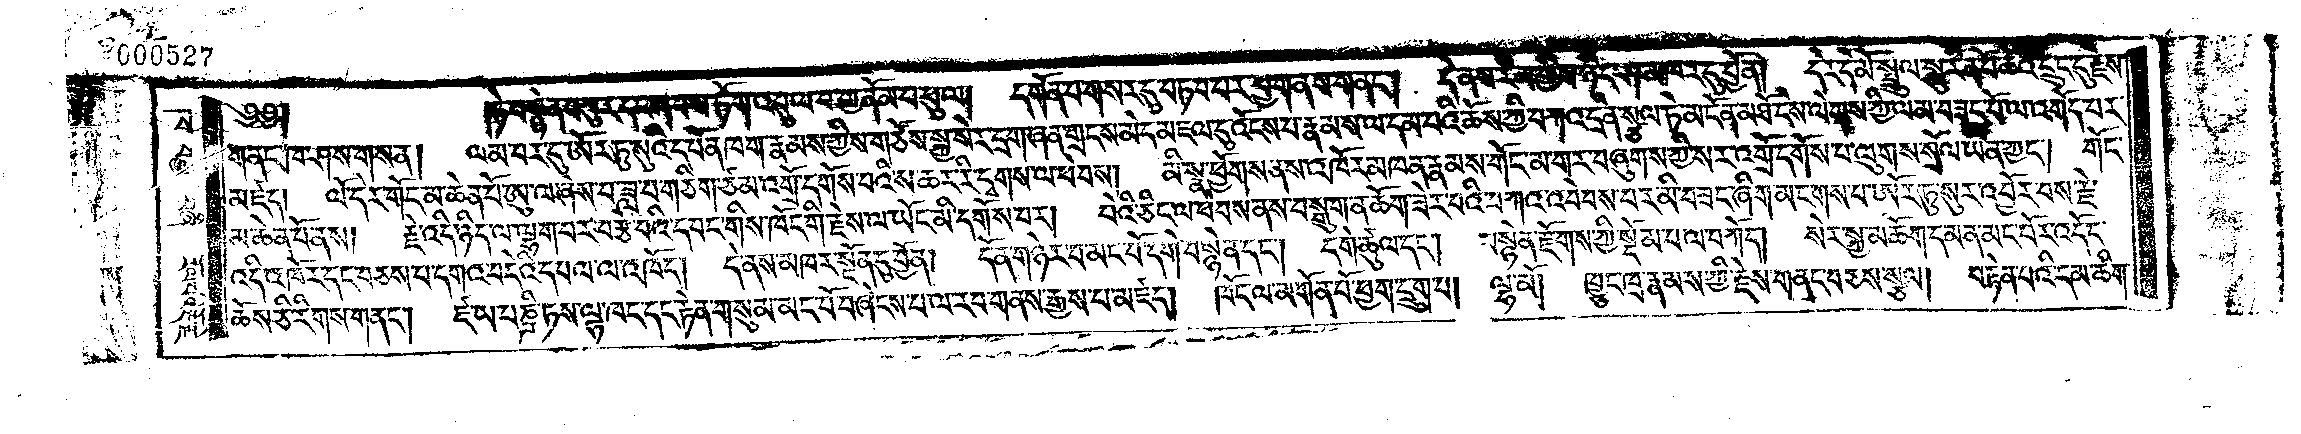༄༅། །ཏེ་བསྙེན་བཀུར་དང་ཞབས་ཏོག་འབུལ་བ་གྱ་ནོམ་བ་ཕུལ། དགོན་པ་གསར་དུ་བཏབ་པར་ཕྱག་ནས་གནང་། དེ་ནས་རིམ་གྱིས་ཉིད་ཤ་མཁར་དུ་བྱོན། དེར་དེ་མོ་སྤྲུལ་སྐུ་རིན་པོ་ཆེའི་དྲུང་དུ་རྗེས་
གནང་ཁ་ཤས་གསན། ལམ་བར་དུ་ཨོར་ཏུ་སུའི་དཔོན་ཁག་རྣམས་ཀྱིས་གཙོས་སྐྱ་སེར་དྲག་ཞན་གྲངས་མེད་མཇལ་དུ་འོངས་པ་རྣམས་ལ་དམ་པའི་ཆོས་ཀྱི་བཀའ་དྲིན་སྩལ་ཏེ་མངོན་མཐོང་དེས་ལེགས་ཀྱི་ལམ་བཟང་པོ་ལ་འགོད་པར་
མཛད། ལོ་དེར་གོང་མ་ཆེན་པོ་ཨུ་ལ་ཞེས་པ་ཟླ་བ་གཅིག་ཙམ་འགྲོ་དགོས་པའི་ས་ཆར་རི་དྭགས་ལ་ཕེབས། མི་སྣ་ཕྱོགས་ནས་འཁོར་མཁན་རྣམས་གོང་མ་གར་བཞུགས་ཀྱི་སར་འགྲོ་དགོས་པ་ལུགས་སྲོལ་ཡིན་ཀྱང་། གོང་
མ་ཆེན་པོ་ནས། རྗེ་འདི་ཉིད་ལ་ལྷག་པར་བརྩེ་བའི་དབང་གིས་ཁོང་གི་རྗེས་ལ་ཡོང་མི་དགོས་པར། པེའི་ཅིང་ལ་ཕེབས་ནས་བསྒུག་ན་ཆོག་ཟེར་བའི་བཀའ་འབེབས་པར་མི་བཟང་ཞིག་མངགས་པ་ཨོར་ཏུ་སུར་འབྱོར་བས་རྗེ་
འདི་འཁོར་དང་བཅས་པ་དགའ་བདེའི་དཔལ་ལ་འཁོད། དེ་ནས་མཁར་སྔོན་དུ་བྱོན། དོན་གཉེར་བ་མང་པོ་དགེ་བསྙེན་དང་། དགེ་ཚུལ་དང་། བསྙེན་རྫོགས་ཀྱི་སྡོམ་པ་ལ་བཀོད། སེར་སྐྱ་མཆོག་དམན་མང་བོར་འདོད་
ཆོས་ཅི་རིགས་གནང་། ཛ་ཡ་པཎྜི་ཏས་ལྷ་ཁང་དང་རྟེན་གསུམ་མང་པོ་བཞེངས་པ་ལ་རབ་གནས་རྒྱས་པ་མཛད། ཁོང་ལ་མགོན་པོ་ཕྱག་དྲུག་པ། ལྷ་མོ། ཁྱུང་ཁྲ་རྣམས་ཀྱི་རྗེས་གནང་བཅས་སྩལ། བརྟེན་པའི་དམ་ཚིག་